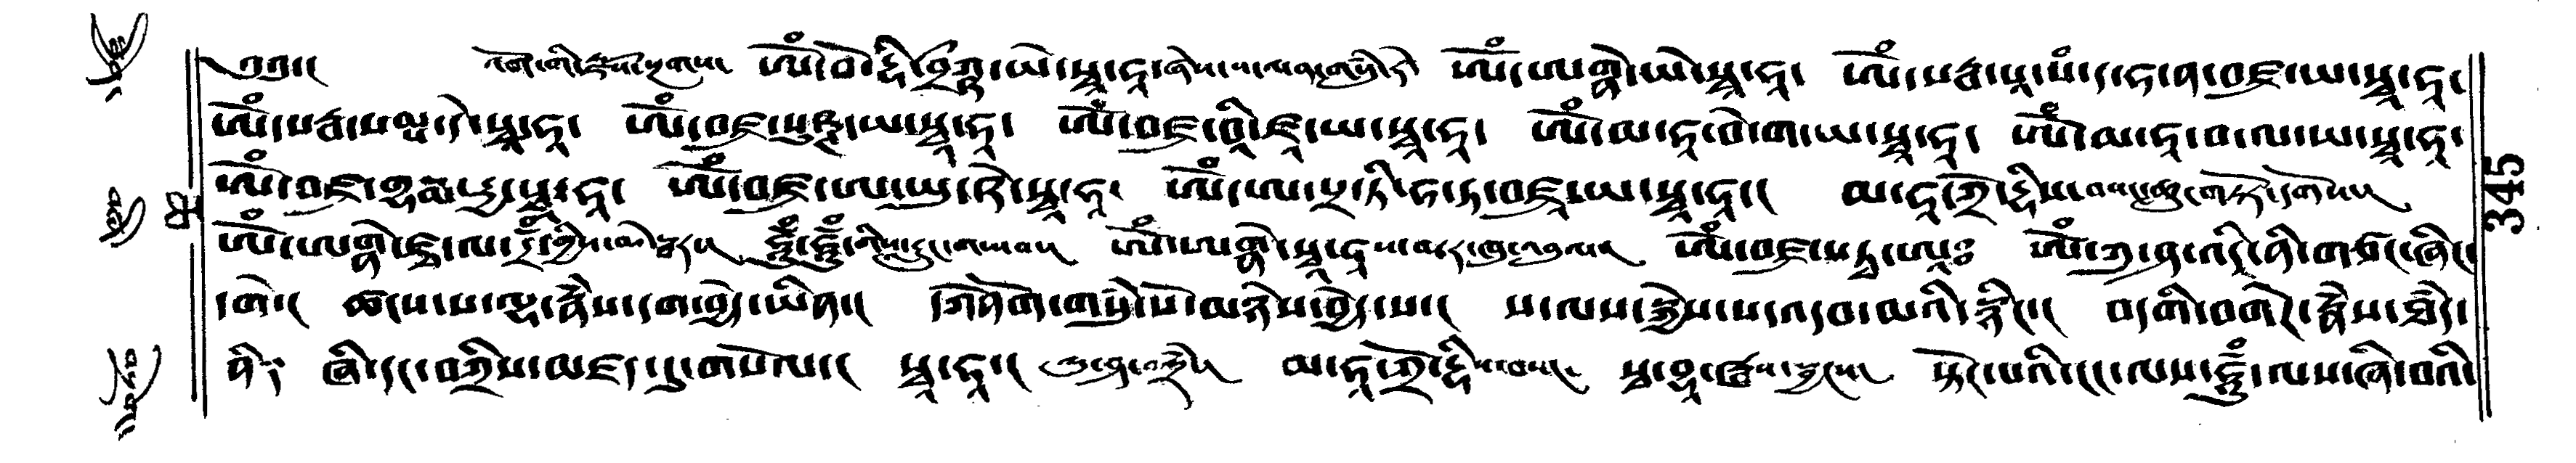འོག་གི་རྫས་སྔགས། ཨོཾ་བོ་དྷི་དྷྲིཀྵ་ཡེ་སྭཱ་ཧཱ། ཞེས་པ་ལན་གསུམ་རེ། ཨོཾ་ཨགྣེ་ཡེ་སྭཱ་ཧཱ། ཨོཾ་སརྦ་པཱ་པཾ་ད་ཧ་ན་བཛྲ་ཡ་སྭཱ་ཧཱ། 
ཨོཾ་སརྦ་སམྤ་དེ་སྭཱ་ཧཱ། ཨོཾ་བཛྲ་པུཥྚ་ཡེ་སྭཱ་ཧཱ། ཨོཾ་བཛྲ་བཱི་ཛཱ་ཡེ་སྭཱ་ཧཱ། ཨོཾ་མ་ཧཱ་བེ་ག་ཡ་སྭཱ་ཧཱ། ཨོཾ་མ་ཧཱ་བ་ལ་ཡ་སྭཱ་ཧཱ། 
ཨོཾ་བཛྲ་གྷསྨ་རི་ཡེ་སྭཱ་ཧཱ། ཨོཾ་བཛྲ་ཨ་ཡུ་རེ་སྭཱ་ཧཱ། ཨོཾ་ཨ་པྲ་ཏི་ཧ་ཏ་བཛྲ་ཡ་སྭཱ་ཧཱ། མ་ཧཱ་ཀྲོ་དྷི ས་བསང་ཆུང་གཏོར་དགོས། 
ཨོཾ་ཨགྣེ་ཛྭ་ལ་རཾ་གྱིས་མེ་སྦར། ཧཱུྃ་ཧཱུྃ་གིས་རླུང་གཡབ། ཨོཾ་ཨགྣེ་སྭཱ་ཧཱ ས་མར་ཁུ་འབུལ། ཨོཾ་བཛྲ་སཏྭ་ཨཱཿ ཨོཾ། ཀུ་ཤ་འདི་ནི་གཙང་ཞིང་
དགེ །ཚངས་པ་ལྷ་རྣམས་དག་བྱེད་ཡིན། །དཀོན་མཆོག་གསུམ་པོ་མཉེས་བྱེད་པ། །ས་ལས་སྐྱེས་པ་འདབ་མའི་སྙིང་། །བདག་གི་བགེགས་རྣམས་ཐམས་ཅད་
ནི། །ཞི་དང་བཀྲ་ཤིས་མཛད་དུ་གསོལ། སྭཱ་ཧཱ། ཀུ་ཤ་བཀྲམ། མ་ཧཱ་ཀྲོ་དྷ ིས་བསང་། སྭ་བྷཱ་ཝ ས་སྦྱངས། སྟོང་པའི་ངང་ལས་ཧཱུྃ་ལས་ཞི་བའི་